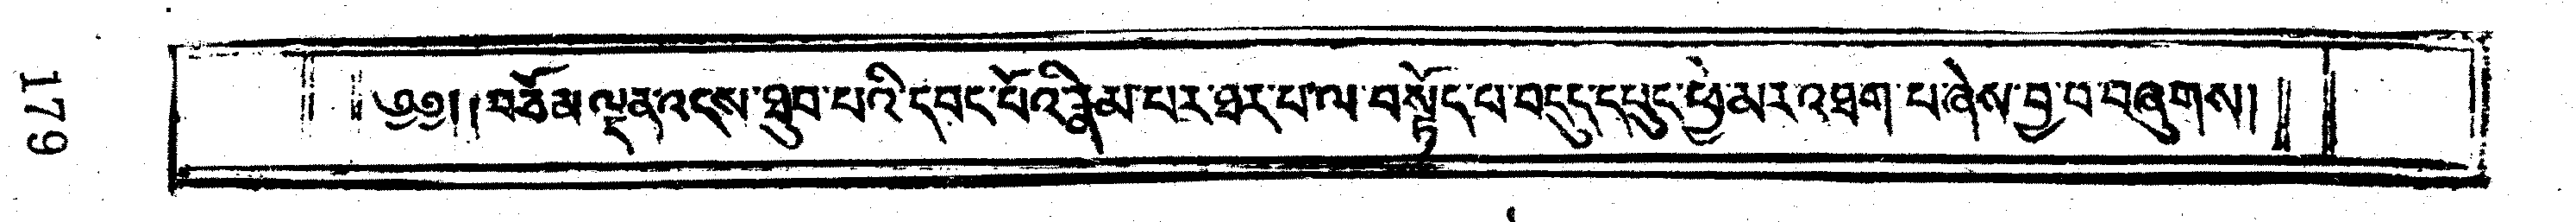༄༅། །བཅོམ་ལྡན་འདས་ཐུབ་པའི་དབང་པོའི་རྣམ་པར་ཐར་པ་ལ་བསྟོད་པ་བདུད་དཔུང་ཕྱེ་མར་འཐག་པ་ཞེས་བྱ་བ་བཞུགས།